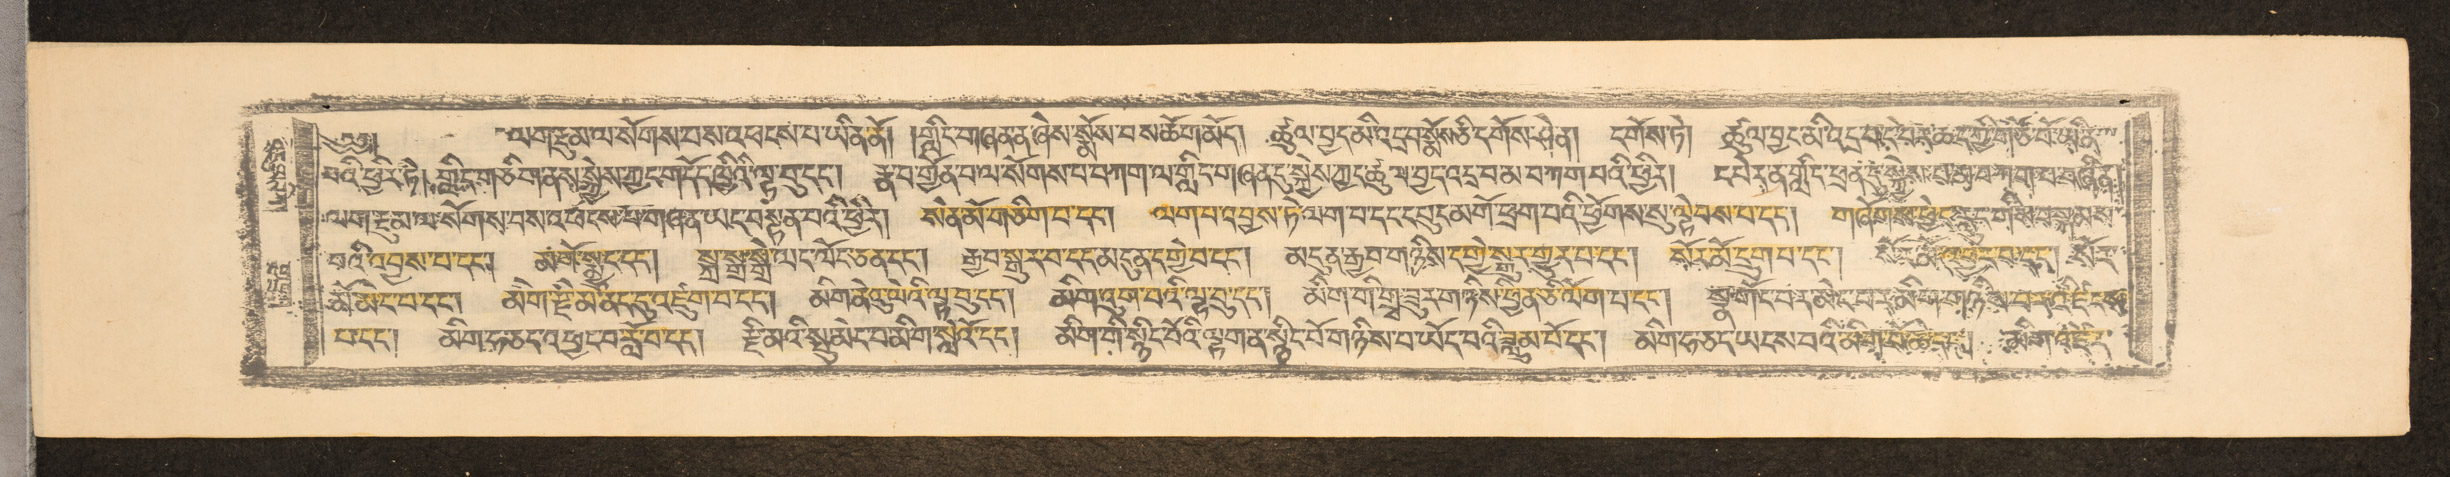༄༅། །ལག་རྡུམ་ལ་སོགས་པས་འཕངས་པ་ཡིན་ནོ། །གླིང་གཞན་ན་ཞེས་སྨོས་པས་ཆོག་མོད། ཚུལ་བྱད་མི་འདྲ་བ་སྨོས་ཅི་དགོས་ཤེ་ན། དགོས་ཏེ། ཚུལ་བྱད་མི་འདྲ་བ་དེ་བར་ཆད་ཀྱི་གཙོ་བོ་ཡིན་
པའི་ཕྱིར་ཏེ། གླིང་གཅིག་ནས་སྐྱེས་ཀྱང་གདོང་ཁྱིའི་ལྟ་བུ་དང་། རྣ་བ་གྱོན་པ་ལ་སོགས་པ་བཀག་ལ་གླིང་གཞན་དུ་སྐྱེས་ཀྱང་ཚུལ་བྱད་འདྲ་བ་མ་བཀག་པའི་ཕྱིར། དཔེར་ན་གླིང་ཕྲན་དུ་སྐྱེས་པ་མ་བཀག་པ་བཞིན།
ལག་རྡུམ་ལ་སོགས་པས་འཕངས་པ་གཞན་ཡང་བསྟན་པའི་ཕྱིར། སེན་མོ་གཅིག་པ་དང་། ལག་པ་འབྱས་ཏེ་ལག་པ་དང་དཔུང་མགོ་ཕྲག་པའི་ཕྱོགས་སུ་ལྟེབས་པ་དང་། གཞོགས་ཕྱེང་རླུང་གིས་བསྐམས་
པའི་འབྱས་པ་དང་། མགོ་སྨྱུང་དང་། སྐྲ་སྒྲ་སྒྲེ་ལང་ལོང་ཅན་དང་། རྒྱབ་སྒུར་བ་དང?་མདུན་དགྱེ་བ་དང་། མདུན་རྒྱབ་གཉིས་དགྱེ་སྒུར་གྱུར་པ་དང་། སོར་མོ་དྲུག་པ་དང་། སོར་མོ་འབྱར་བ་དང་། སོར་
མོ་མེད་པ་དང་། མིག་རྫི་མ་ནང་དུ་འཛུག་པ་དང་། མིག་ནེའུ་ལེའི་ལྟ་བུ་དང་། མིག་འུག་པའི་ལྟ་བུ་དང་། མིག་གི་གྲྭ་ཟུར་གཉིས་ཕྱིན་ཅི་ལོག་པ་དང་། སྣ་གོང་བར་མེད་པར་མིག་གཉིས་བར་འཛིངས་
པ་དང་། མིག་ཧ་ཅང་འཕྱང་བ་རློ་བ་དང་། རྫི་མའི་སྤུ་མེད་པ་མིག་སླེའོ་དང་། མིག་གི་སྙིང་པོའི་ལྟག་ན་སྙིང་པོ་གཉིས་པ་ཡོད་པའི་ཟླུམ་པོ་དང་། མིག་ཧ་ཅང་ཡངས་པའི་མིག་པོ་ཆེ་དང་། མིག་འཛེར་